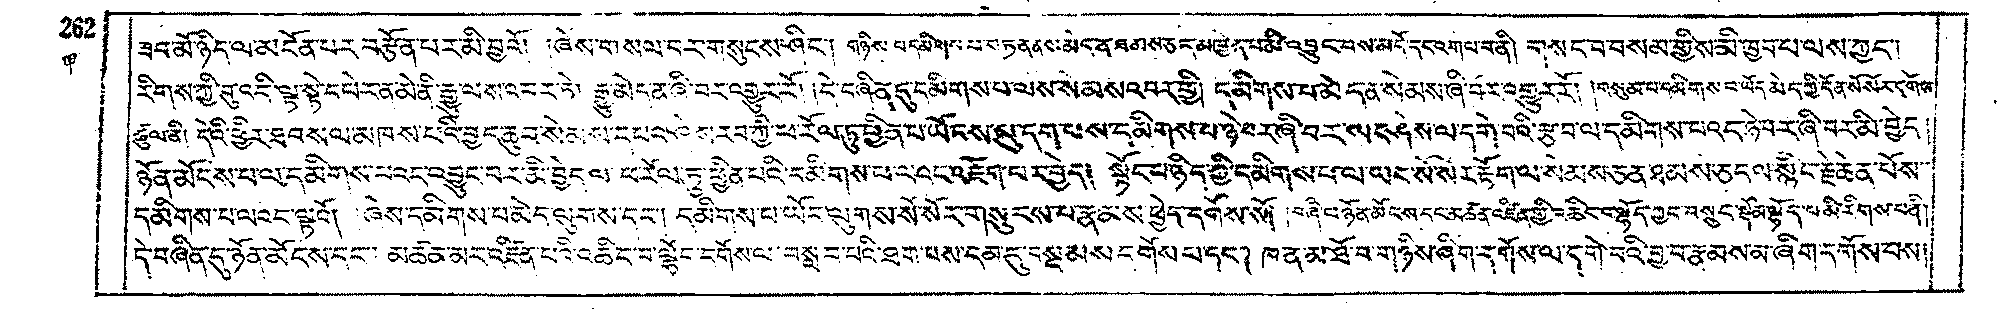ཟབ་མོ་ཉིད་ལ་མངོན་པར་བརྩོན་པར་མི་བྱའོ། །ཞེས་གསལ་བར་གསུངས་ཤིང་། གཉིས་པ་དམིགས་པ་གཏན་ནས་མེད་ན་ཐམས་ཅད་མཁྱེན་པ་མི་འབྱུང་བས་མདོ་དང་འགལ་བ་ནི།  གསང་བ་བསམ་གྱིས་མི་ཁྱབ་པ་ལས་ཀྱང་།
རིགས་ཀྱི་བུ་འདི་ལྟ་སྟེ་དཔེར་ན་མེ་ནི་རྒྱུ་ལས་འབར་ཏེ། རྒྱུ་མེད་ན་ཞི་བར་འགྱུར་རོ། །དེ་བཞིན་དུ་དམིགས་པ་ལས་སེམས་འབར་གྱི། དམིགས་པ་མེད་ན་སེམས་ཞི་བར་འགྱུར་རོ། །གསུམ་པ་དམིགས་པ་ཡོད་མེད་ཀྱི་དོན་སོ་སོར་དགོས་
ཚུལ་ནི། དེའི་ཕྱིར་ཐབས་ལ་མཁས་པའི་བྱང་ཆུབ་སེམས་དཔའ་ཤེས་རབ་ཀྱི་ཕ་རོལ་ཏུ་ཕྱིན་པ་ཡོངས་སུ་དག་པས་དམིགས་པ་ཉེ་བར་ཞི་བར་ལང་ཤེས་ལ་དགེ་བའི་རྩ་བ་ལ་དམིགས་པའང་ཉེ་བར་ཞི་བར་མི་བྱེད།
ཉོན་མོངས་པ་ལ་དམིགས་པའང་འབྱུང་བར་མི་བྱེད་ལ་ཕ་རོལ་ཏུ་ཕྱིན་པའི་དམིགས་པ་ལའང་འཇོག་པར་བྱེད། སྟོང་པ་ཉིད་ཀྱི་དམིགས་པ་ལ་ཡང་སོ་སོར་རྟོག་ལ་སེམས་ཅན་ཐམས་ཅད་ལ་སྙིང་རྗེ་ཆེན་པོས་
དམིགས་པ་ལའང་ལྟའོ། །ཞེས་དམིགས་པ་མེད་ལུགས་དང་། དམིགས་པ་ཡོད་ལུགས་སོ་སོར་གསུངས་པ་རྣམས་ཕྱེད་དགོས་སོ། །བཞི་པ་ཉོན་མོངས་དང་མཚན་འཛིན་གྱི་འཆིང་བ་ལྷོད་ཀྱང་བསྲུང་སྡོམ་ལྷོད་པ་མི་རིགས་པ་ནི།
དེ་བཞིན་དུ་ཉོན་མོངས་དང་། མཚན་མར་འཛིན་པའི་འཆིང་བ་ལྷོད་དགོས་ལ་བསླབ་པའི་ཐག་པས་དམ་དུ་བསྔམས་དགོས་པ་དང་། ཁ་ན་མ་ཐོ་བ་གཉིས་ཞིག་དགོས་ལ་དགེ་བའི་བྱ་བ་རྣམས་མ་ཞིག་དགོས་པས།